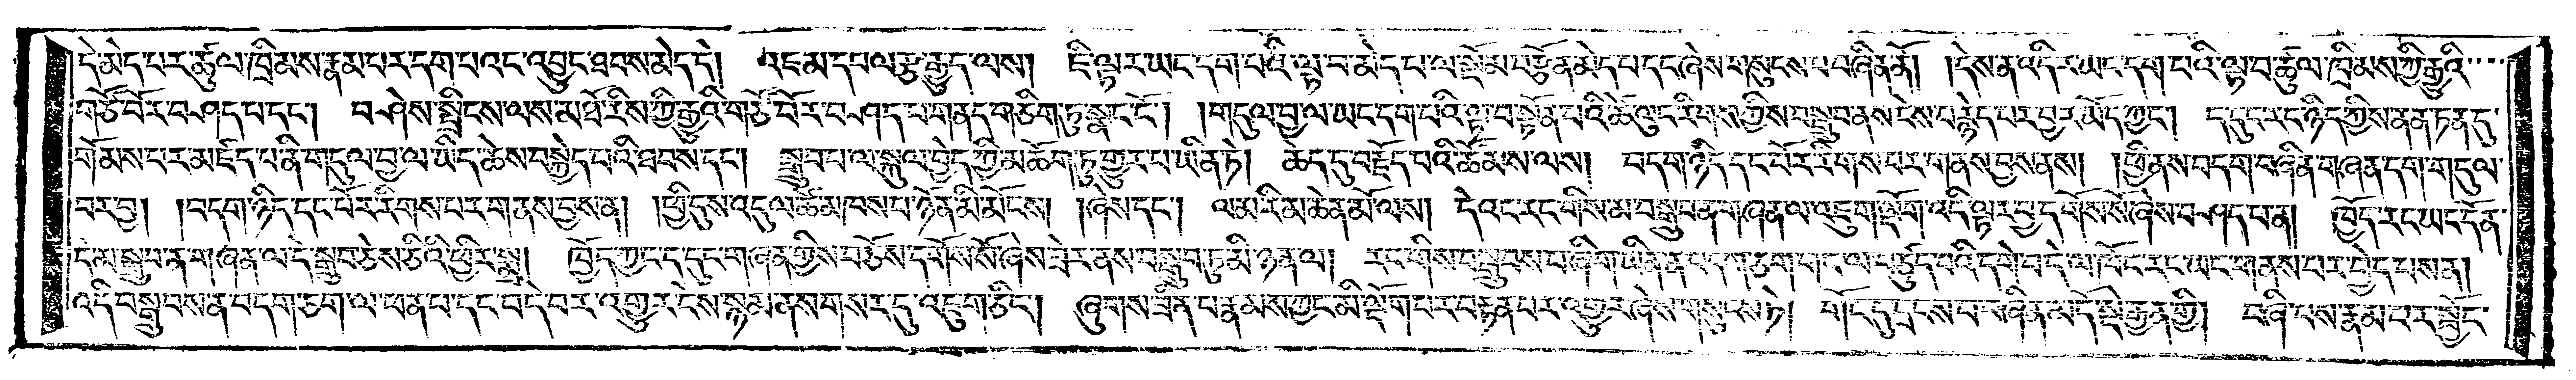དེ་མེད་པར་ཚུལ་ཁྲིམས་རྣམ་པར་དག་པའང་འབྱུང་ཐབས་མེད་དེ། འཇམ་དཔལ་རྩ་རྒྱུད་ལས། ཇི་ལྟར་ཡང་དག་བའི་ལྟ་བ་མེད་པ་ལ་སྡོམ་བརྩོན་མེད་པ་དང་ཞེས་གསུངས་པ་བཞིན་ནོ། །དེས་ན་འདིར་ཡང་དག་བའི་ལྟ་བ་ཚུལ་ཁྲིམས་ཀྱི་རྒྱུའི་
གཙོ་བོར་བཤད་བ་དང་། བཤེས་སྤྲིངས་ལས་མཐོ་རིས་ཀྱི་རྒྱུའི་གཙོ་བོར་བཤད་པ་གནད་གཅིག་ཏུ་སྣང་ངོ། །གདུལ་བྱ་ལ་ཡང་དག་པའི་ལྟ་བ་སྟོན་པའི་ཚེ་ལུང་རིགས་ཀྱིས་བསྒྲུབ་ནས་ངེས་པ་རྙེད་པར་བྱར་ཡོད་ཀྱང་། ད་དུང་རང་ཉིད་ཀྱིས་ནན་ཏན་དུ་
གོམས་པར་མཛད་པ་ནི་གདུལ་བྱ་ལ་ཡིད་ཆེས་བསྐྱེད་པའི་ཐབས་དང་། སྒྲུབ་པ་ལ་སྐུལ་བྱེད་ཀྱི་མཆོག་ཏུ་གྱུར་པ་ཡིན་ཏེ། ཆེད་དུ་བརྗོད་པའི་ཚོམས་ལས། བདག་ཉིད་དང་པོར་རིགས་པར་གནས་བྱས་ནས། །ཕྱི་ནས་བདག་བཞིན་གཞན་དག་གདུལ་
བར་བྱ། །བདག་ཉིད་དང་པོར་རིགས་པར་གནས་བྱས་ན། །ཕྱི་དུས་འདུལ་ཚེ་མཁས་པ་ཉོན་མི་མོངས། །ཞེས་དང་། ལམ་རིམ་ཆེན་མོ་ལས། དེའང་རང་གིས་མ་བསྒྲུབ་ན་གཞན་ལ་འཇུག་ལྡོག་འདི་ལྟར་བྱ་དགོས་སོ་ཞེས་བཤད་པ་ན། ཁྱོད་རང་ཡང་དོན་
དེ་མ་སྒྲུབ་ན་གཞན་ལ་དེ་སྒྲུབ་ཅེས་ཅིའི་ཕྱིར་སྦྲ། ཁྱོད་ཀྱང་ད་དུང་གཞན་གྱིས་བཅོས་དགོས་སོ་ཞེས་ཟེར་ནས་བསྒྲུབ་ཏུ་མི་ཉན་ལ། རང་གིས་བསྒྲུབས་པ་ཞིག་ཡིན་ན་བདག་ཅག་གང་ལ་བཙུད་པའི་དགེ་བ་དེ་ལ་ཁོང་རང་ཡང་གནས་པར་བྱེད་པས་ན།
འདི་བསྒྲུབས་ན་བདག་ཅག་ལ་ཕན་པ་དང་བདེ་བར་འགྱུར་ངེས་སྙམ་ནས་གསར་དུ་འཇུག་ཅིང་། ཞུགས་ཟིན་པ་རྣམས་ཀྱང་མི་ལྡོག་པར་བརྟན་པར་འགྱུར་ཞེས་གསུངས་ཏེ། གོང་དུ་དྲངས་པ་བཞིན་མདོ་སྡེ་རྒྱན་གྱི། བཞི་པས་རྣམ་པར་སྤྱོད་